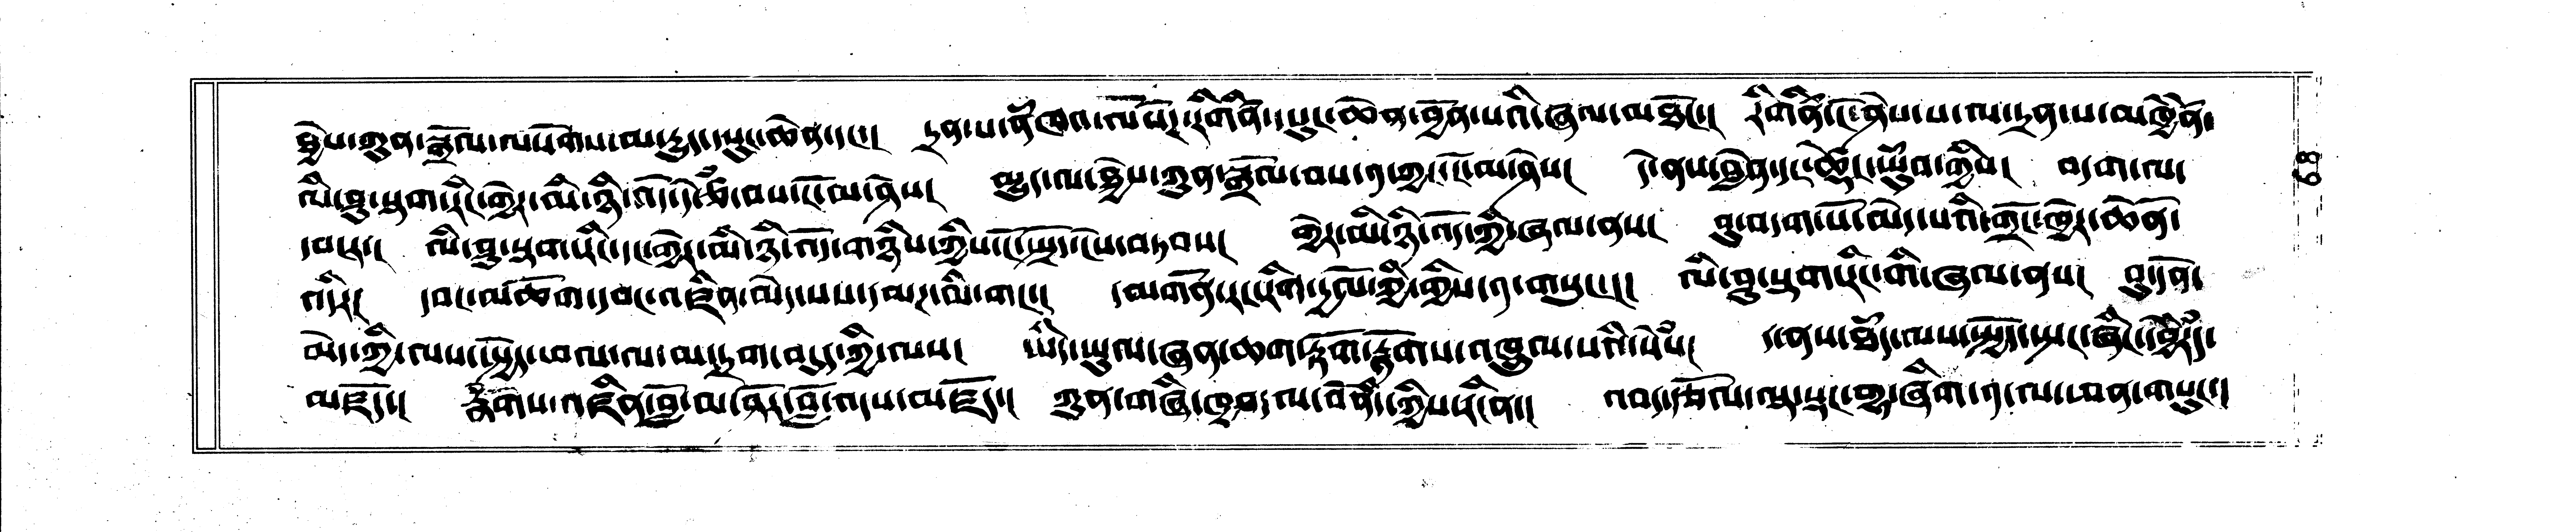ཐུགས་རྗེ་ཀུན་སྒྲོལ་ལ་སོགས་མ་རྒྱུད་དཔུང་ཆེན་དང་། དྲན་པ་ནམ་མཁའ་ལ་སོགས་རིག་འཛིན་དཔུང་ཆེན་བྱོན་པའི་ཞལ་མཐོང་། རིག་འཛིན་ངོ་ཤེས་པ་ལ་དྲན་པ་མཁྱེན་
བརྩེ་ལི་ཤུ་སྟག་རིང་གྱེར་མི་ཉི་འོད་དེ་ཙམ་བས་ངོ་མ་ཤེས། མ་རྒྱུད་ལ་ཐུགས་རྗེ་ཀུན་སྒྲོལ་བས་གཅིག་ཀྱང་ངོ་མ་ཤེས། དེ་ནས་བླ་ཆེན་དང་ཚེ་དབང་ཡབ་ཡུམ་གྱིས། བདག་ལ་
དབང་བསྐུར། ལི་ཤུ་སྟག་རིང་དང་གྱེར་མི་ཉི་འོད་གཉིས་ཀྱིས་ངོ་སྤྲོད་ངོས་བཏབས། གྱེར་མི་ཉི་འོད་ཀྱི་ཞལ་ནས། བུ་བདག་པོ་མེད་པའི་གྲོང་ཁྱེར་ཆེན་
པོ་འདིར། དབང་མཆོག་དབང་འཛིན་མེད་པས་དམག་མི་གང་། དམག་དཔོན་རང་རིག་རྒྱལ་པོ་ཀྱི་གྱིས་གཅིག་གསུངས། ལི་ཤུ་སྟག་རིང་གི་ཞལ་ནས། བུ་དོན་
མེད་ཀྱི་ལས་སྤྱོད་ཕལ་ལ་མ་དྲག་བདུད་ཀྱི་ལས། ཡིད་ཡུལ་ཞེན་ཆགས་རྟོག་རྟོགས་འཁྲུལ་པའི་སེམས། ད་ནས་ཐམས་ཅད་ལས་སྤྱོད་སྤང་ཞིང་དབྱེར་མེད་
མཛོད། རྣམ་རྟོག་འཛིན་བློ་མ་ཤོར་བློ་འདས་མཛོད། ཀུན་གཞི་ཁྱབ་བདལ་བོན་ཉིད་ཀྱི་རང་བཞིན། འབད་རྩོལ་ལྟ་སྟངས་གྷ་༼འགའ༽ཞིག་གཅིག་ལ་ཕན་གསུང་།